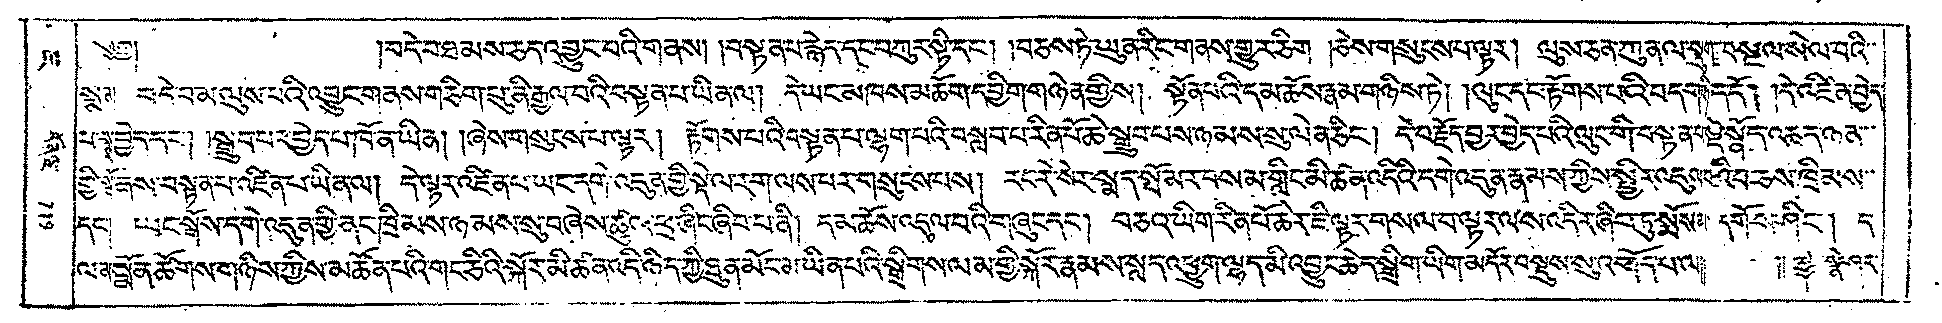༄༅། །བདེ་བ་ཐམས་ཅད་འབྱུང་བའི་གནས། །བསྟན་པ་རྙེད་དང་བཀུར་སྟི་དང་། །བཅས་ཏེ་ཡུན་རིང་གནས་གྱུར་ཅིག །ཅེས་གསུངས་པ་ལྟར། ལུས་ཅན་ཀུན་ལ་སྡུག་བསྔལ་སེལ་བའི་
སྨན། བདེ་བ་མ་ལུས་པའི་འབྱུང་གནས་གཅིག་པུ་ནི་རྒྱལ་བའི་བསྟན་པ་ཡིན་ལ། དེ་ཡང་མཁས་མཆོག་དབྱིག་གཉེན་གྱིས། སྟོན་པའི་དམ་ཆོས་རྣམ་གཉིས་ཏེ། །ལུང་དང་རྟོགས་པའི་བདག་ཉིད་དོ། །དེ་འཛིན་བྱེད་
པ་སྨྲ་བྱེད་དང་། །སྒྲུབ་པར་བྱེད་པ་ཁོ་ན་ཡིན། །ཞེས་གསུངས་པ་ལྟར། རྟོགས་པའི་བསྟན་པ་ལྷག་པའི་བསླབ་པ་རིན་པོ་ཆེ་སྒྲུབ་པས་ཉམས་སུ་ལེན་ཅིང་། དེ་བརྗོད་བྱར་བྱེད་པའི་ལུང་གི་བསྟན་པ་སྡེ་སྣོད་འཆད་ཉན་
གྱི་སྒོ་ནས་བསྟན་པ་འཛིན་པ་ཡིན་ལ། དེ་ལྟར་འཛིན་པ་ཡང་དགེ་འདུན་གྱི་སྡེ་ལ་རག་ལས་པར་གསུངས་པས། རང་རེ་སེར་སྨད་སྤོམ་ར་བསམ་གླིང་མི་ཚན་འདིའི་དགེ་འདུན་རྣམས་ཀྱིས་སྤྱིར་འདུལ་བའི་བཅས་ཁྲིམས་
དང་། ཡང་སྒོས་དགེ་འདུན་གྱི་ནང་ཁྲིམས་ཉམས་སུ་བཞེས་ཚུལ་ཕྲ་ཞིང་ཞིབ་པ་ནི། དམ་ཆོས་འདུལ་བའི་གཞུང་དང་། བཅའ་ཡིག་རིན་པོ་ཆེར་ཇི་ལྟར་གསལ་བ་ལྟར་ལས་འདིར་ཞིབ་ཏུ་སྨོས་མ་དགོས་ཤིང་། ད་
ལམ་སྨོན་ཚོགས་གཉིས་ཀྱིས་མཚོན་པའི་གང་ཅིའི་སྐོར་མི་ཚན་འདི་ཉིད་ཀྱི་ཐུན་མོང་མ་ཡིན་པའི་སྒྲིགས་ལམ་གྱི་སྐོར་རྣམས་སླད་འཕྱུག་ལྷད་མི་འབྱུང་ཆེད་སྒྲིག་ཡིག་མདོར་བསྡུས་སུ་འགོད་པ་ལ།། །། ༈ སྣེ་ཤར་